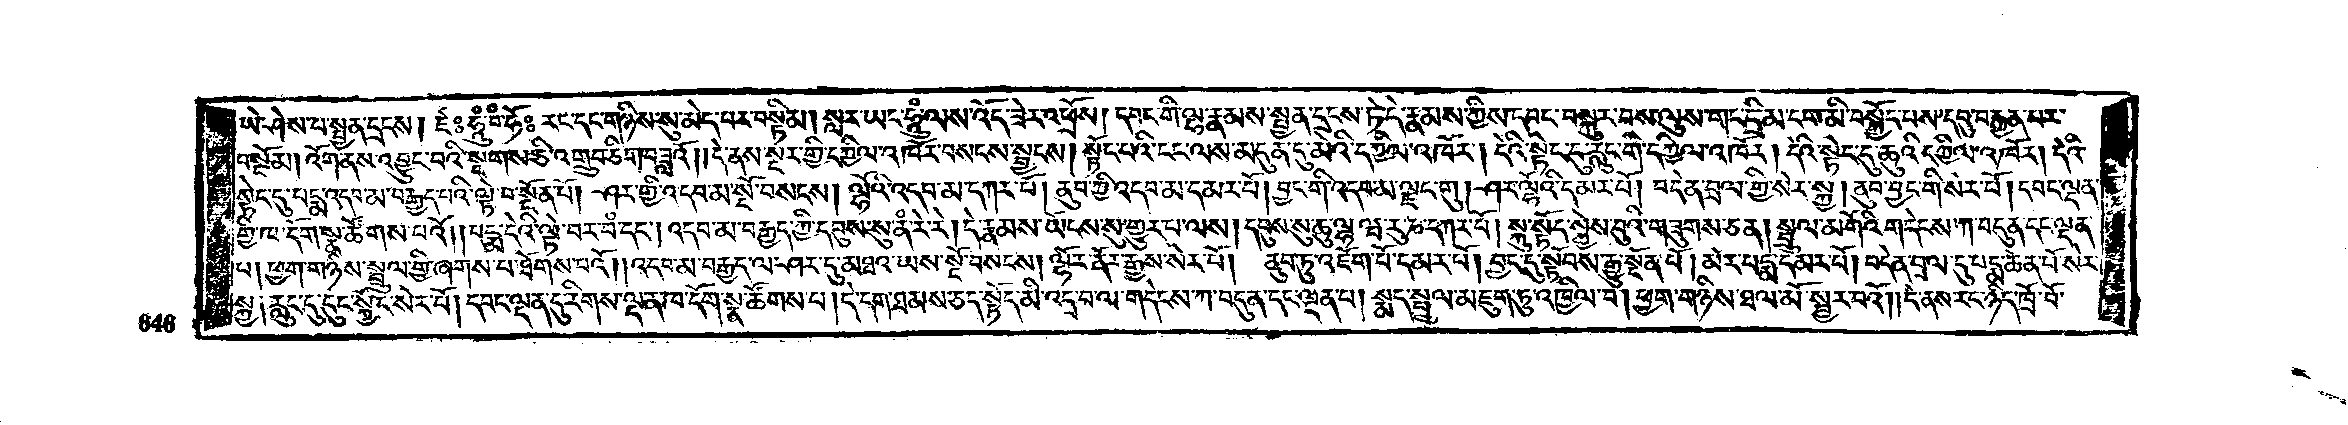ཡེ་ཤེས་པ་སྤྱན་དྲངས། ཛཿ ཧཱུཾ་བཾ་ཧོཿ རང་དང་གཉིས་སུ་མེད་པར་བསྟིམ། སླར་ཡང་ཧཱུཾ་ལས་འོད་ཟེར་འཕྲོས། དབང་གི་ལྷ་རྣམས་སྤྱན་དྲངས་ཏེ་དེ་རྣམས་ཀྱིས་དབང་བསྐུར་བས་ལུས་གང་དྲི་མ་དག་མི་བསྐྱོད་པས་དབུ་བརྒྱན་པར་
བསྡོམ། འོག་ནས་འབྱུང་བའི་སྔགས་ཅི་འགྲུབ་ཅིག་བཟླའོ། །དེ་ནས་སྔར་གྱི་དཀྱིལ་འཁོར་བསངས་སྦྱངས། སྟོང་པའི་ངང་ལས་མདུན་དུ་མེའི་དཀྱིལ་འཁོར། དེའི་སྟེང་དུ་རླུང་གི་དཀྱིལ་འཁོར། དེའི་སྟེང་དུ་ཆུའི་དཀྱིལ་འཁོར། དེའི་
སྟེང་དུ་པདམ་འདབ་མ་བརྒྱད་པའི་ལྟེ་བ་སྔོན་པོ། ཤར་གྱི་འདབ་མ་སྔོ་བསངས། ལྷོའི་འདབ་མ་དཀར་པོ། ནུབ་ཀྱི་འདབ་མ་དམར་པོ། བྱང་གི་འདབ་མ་ལྗང་གུ །ཤར་ལྷོའི་དམར་པོ། བདེན་བྲལ་གྱི་སེར་སྐྱ། ནུབ་བྱང་གི་སེར་པོ། དབང་ལྡན་
གྱི་ཁ་དོག་སྣ་ཚོགས་པའོ། །པདམ་དེའི་ལྟེ་བར་བཾ་དང་། འདབ་མ་བརྒྱད་ཀྱི་དབུས་སུ་ནཾ་རེ་རེ། དེ་རྣམས་ཡོངས་སུ་གྱུར་པ་ལས། དབུས་སུ་ཆུ་ལྷ་ཝ་རུ་ཎ་དཀར་པོ། སྐུ་སྟོད་སྐྱེས་བུའི་གཟུགས་ཅན། སྦྲུལ་མགོའི་གདེངས་ཀ་བདུན་དང་ལྡན་
པ། ཕྱག་གཉིས་སྤྲུལ་གྱི་ཞགས་པ་ཐོགས་པའོ། །འདབ་མ་བརྒྱད་ལ་ཤར་དུ་མཐའ་ཡས་སྔོ་བསངས། ལྷོར་ནོར་རྒྱས་སེར་པོ། ནུབ་ཏུ་འཇོག་པོ་དམར་པོ། བྱང་དུ་སྟོབས་རྒྱུ་སྔོན་པོ། མེར་པདམ་དམར་པོ། བདེན་བྲལ་དུ་པདམ་ཆེན་པོ་སེར་
སྐྱེ། རླུང་དུ་དུང་སྐྱོང་སེར་པོ། དབང་ལྡན་དུ་རིགས་ལྡན་ཁ་དོག་སྣ་ཚོགས་པ། དེ་དག་ཐམས་ཅད་སྟོད་མི་འདྲ་བ་ལ་གདེངས་ཀ་བདུན་དང་ལྡན་པ། སྨད་སྤྲུལ་མཇུག་ཏུ་འཁྱིལ་བ། ཕྱག་གཉིས་ཐལ་མོ་སྦྱར་བའོ། །དེ་ནས་རང་ཉིད་ཁྲོ་བོ་